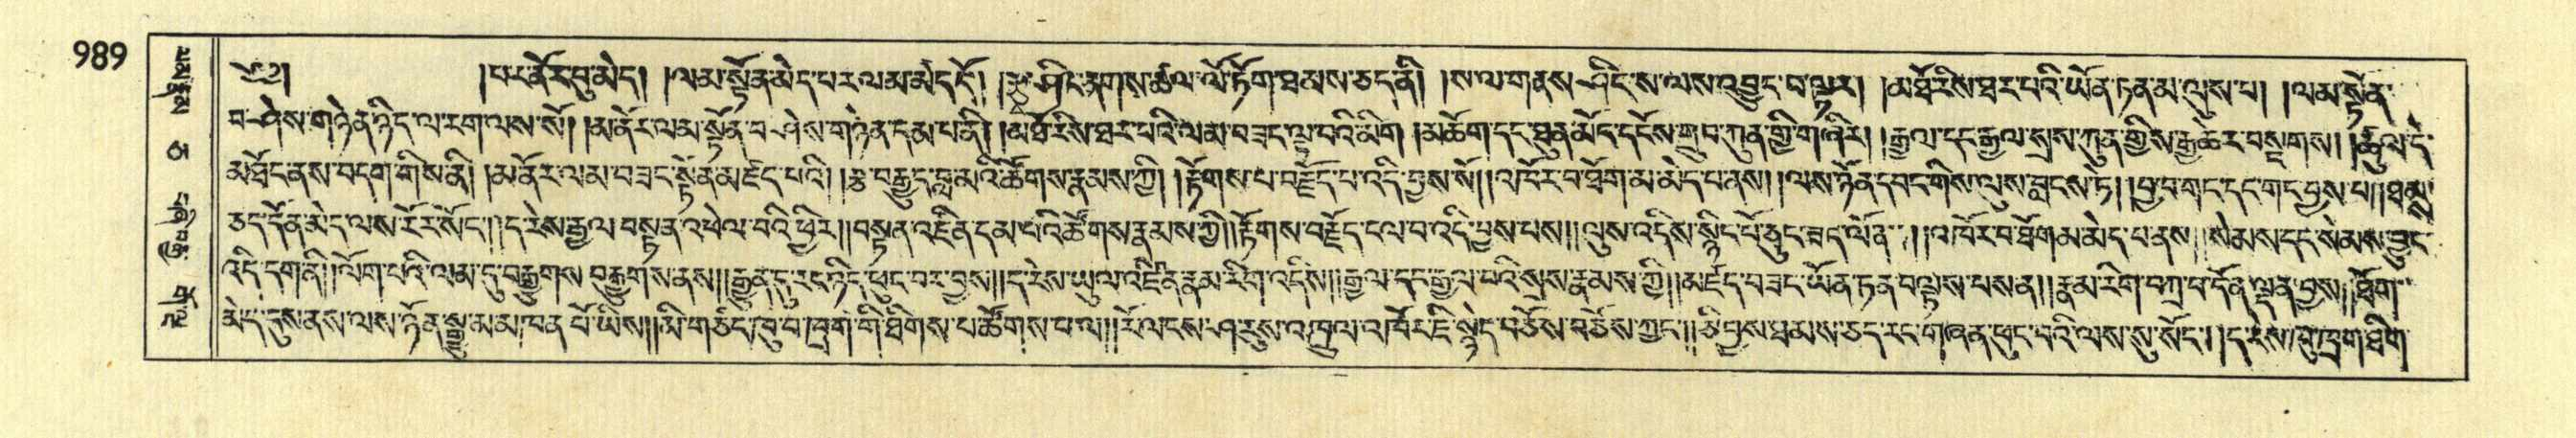༄༅། །པར་ནོར་བུ་མེད། །ལམ་སྟོན་མེད་པར་ལམ་མེད་དོ། །རྩྭ་ཤིང་ནགས་ཚལ་ལོ་ཏོག་ཐམས་ཅད་ནི། །ས་ལ་གནས་ཤིང་ས་ལས་འབྱུང་བ་ལྟར། །མཐོ་རིས་ཐར་པའི་ཡོན་ཏན་མ་ལུས་པ། །ལམ་སྟོན་
བཤེས་གཉེན་ཉིད་ལ་རག་ལས་སོ། །མ་ནོར་ལམ་སྟོན་བཤེས་གཉེན་དམ་པ་ནི། །མཐོ་རིས་ཐར་པའི་ལམ་བཟང་ལྟ་བའི་མིག །མཆོག་དང་ཐུན་མོང་དངོས་གྲུབ་ཀུན་གྱི་གཞིར། །རྒྱལ་དང་རྒྱལ་སྲས་ཀུན་གྱིས་རྒྱ་ཆེར་བསྔགས། །ཚུལ་དེ་
མཐོང་ནས་བདག་གིས་ནི། །མ་ནོར་ལམ་བཟང་སྟོན་མཛད་པའི། །རྩ་བརྒྱུད་བླ་མའི་ཚོགས་རྣམས་ཀྱི། །རྟོགས་པ་བརྗོད་པ་འདི་བྱས་སོ། །འཁོར་བ་ཐོག་མ་མེད་པ་ནས། །ལས་ཉོན་དབང་གིས་ལུས་བླངས་ཏེ། །བྱ་བ་གང་དང་གང་བྱས་པ། །ཐམས་
ཅད་དོན་མེད་ལས་རོར་སོང་། །ད་རེས་རྒྱལ་བསྟན་འཕེལ་བའི་ཕྱིར། །བསྟན་འཛིན་དམ་པའི་ཚོགས་རྣམས་ཀྱི། །རྟོགས་བརྗོད་ངལ་བ་འདི་བྱས་པས། །ལུས་འདིས་སྙིང་པོ་ཅུང་ཟད་ལོན། །འཁོར་བ་ཐོག་མ་མེད་པ་ནས། སེམས་དང་སེམས་བྱུང་
འདི་དག་ནི། །ལོག་པའི་ལམ་དུ་བརྒྱུགས་བརྒྱུགས་ནས། །རྒྱུན་དུ་རང་ཉིད་ཕུང་བར་བྱས། །ད་རེས་ཡུལ་འཛིན་རྣམ་རིག་འདིས། །རྒྱལ་དང་རྒྱལ་བའི་སྲས་རྣམས་ཀྱི། །མཛད་བཟང་ཡོན་ཏན་ལྟས་པས་ན། །རྣམ་རིག་བཀྲ་བ་དོན་ལྡན་བྱས། །ཐོག་
མེད་དུས་ནས་ལས་ཉོན་སྒྱུ་མ་མཁན་པོ་ཡིས། །མི་གཙང་ཁུ་བ་ཁྲག་གི་ཐིགས་པ་ཚོགས་པ་ལ། །རོ་ལངས་ཤ་རུས་འཁྲུལ་འཁོར་ཇི་སྙེད་བཅོས་བཅོས་ཀྱང་། །ཅི་བྱས་ཐམས་ཅད་རང་གཞན་ཕུང་བའི་ལས་སུ་སོང་། །ད་རེས་ཁུ་ཁྲག་ཐིག་